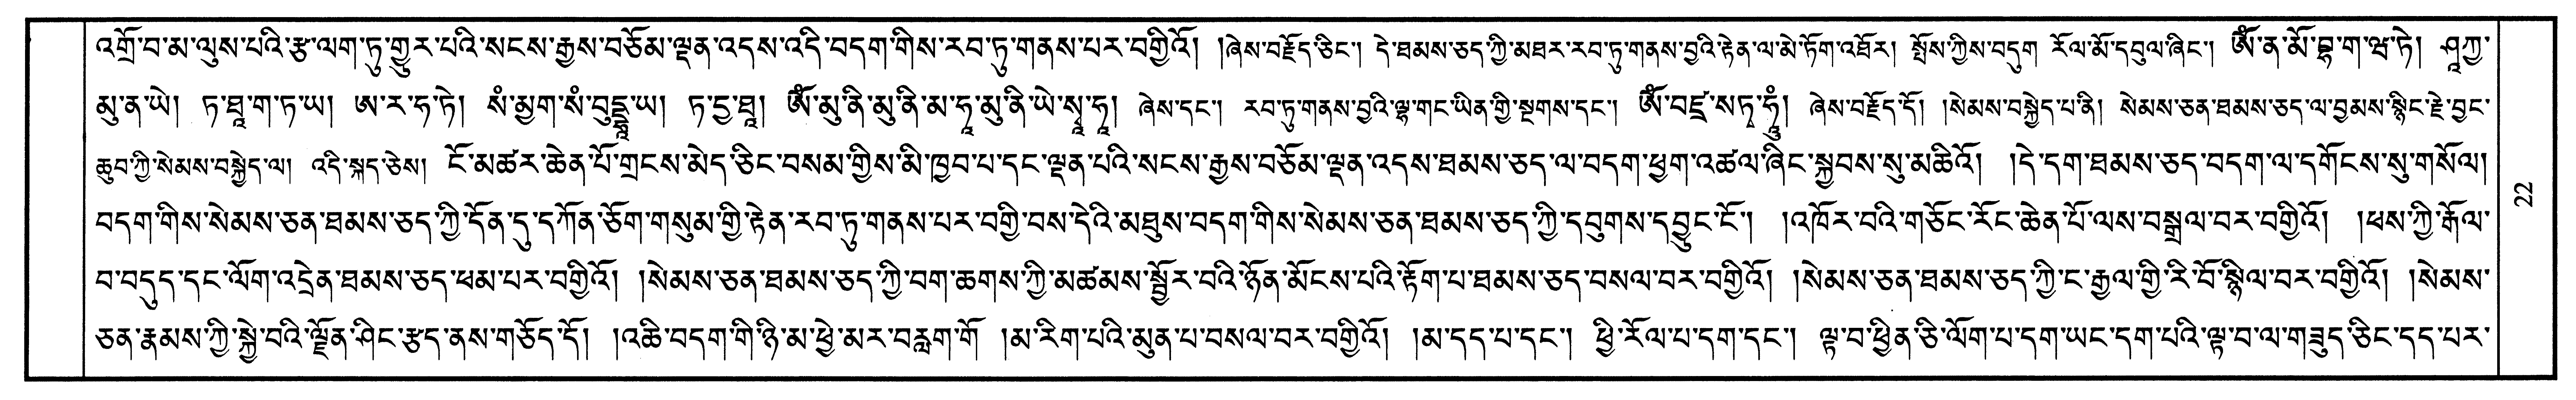འགྲོ་བ་མ་ལུས་པའི་རྩ་ལག་ཏུ་གྱུར་པའི་སངས་རྒྱས་བཅོམ་ལྡན་འདས་འདི་བདག་གིས་རབ་ཏུ་གནས་པར་བགྱིའོ། །ཞེས་བརྗོད་ཅིང་། དེ་ཐམས་ཅད་ཀྱི་མཐར་རབ་ཏུ་གནས་བྱའི་རྟེན་ལ་མེ་ཏོག་འཐོར། སྤོས་ཀྱིས་བདུག་རོལ་མོ་དབུལ་ཞིང་། ཨོཾ་ན་མོ་བྷ་ག་ཝ་ཏེ། ཤཱཀྱ་
མུ་ན་ཡེ། ཏ་ཐཱ་ག་ཏ་ཡ། ཨ་ར་ཧ་ཏེ། སཾ་མྱག་སཾ་བུདྡྷཱ་ཡ། ཏ་དྱ་ཐཱ། ཨོཾ་མུ་ནི་མུ་ནི་མ་ཧཱ་མུ་ནི་ཡེ་སྭཱ་ཧཱ། ཞེས་དང་། རབ་ཏུ་གནས་བྱའི་ལྷ་གང་ཡིན་གྱི་སྔགས་དང་། ཨོཾ་བཛྲ་སཏྭ་ཧཱུཾ། ཞེས་བརྗོད་དོ། །སེམས་བསྐྱེད་པ་ནི། སེམས་ཅན་ཐམས་ཅད་ལ་བྱམས་སྙིང་རྗེ་བྱང་
ཆུབ་ཀྱི་སེམས་བསྐྱེད་ལ། འདི་སྐད་ཅེས། ངོ་མཚར་ཆེན་པོ་གྲངས་མེད་ཅིང་བསམ་གྱིས་མི་ཁྱབ་པ་དང་ལྡན་པའི་སངས་རྒྱས་བཅོམ་ལྡན་འདས་ཐམས་ཅད་ལ་བདག་ཕྱག་འཚལ་ཞིང་སྐྱབས་སུ་མཆིའོ། །དེ་དག་ཐམས་ཅད་བདག་ལ་དགོངས་སུ་གསོལ།
བདག་གིས་སེམས་ཅན་ཐམས་ཅད་ཀྱི་དོན་དུ་དཀོན་ཅོག་གསུམ་གྱི་རྟེན་རབ་ཏུ་གནས་པར་བགྱི་བས་དེའི་མཐུས་བདག་གིས་སེམས་ཅན་ཐམས་ཅད་ཀྱི་དབུགས་དབྱུང་ངོ། །འཁོར་བའི་གཅོང་རོང་ཆེན་པོ་ལས་བསྒྲལ་བར་བགྱིའོ། །ཕས་ཀྱི་རྒོལ་
བ་བདུད་དང་ལོག་འདྲེན་ཐམས་ཅད་ཕམ་པར་བགྱིའོ། །སེམས་ཅན་ཐམས་ཅད་ཀྱི་བག་ཆགས་ཀྱི་མཚམས་སྦྱོར་བའི་ཉོན་མོངས་པའི་རྟོག་པ་ཐམས་ཅད་བསལ་བར་བགྱིའོ། །སེམས་ཅན་ཐམས་ཅད་ཀྱི་ང་རྒྱལ་གྱི་རི་བོ་སྙིལ་བར་བགྱིའོ། །སེམས་
ཅན་རྣམས་ཀྱི་སྐྱེ་བའི་ལྗོན་ཤིང་རྩད་ནས་གཅོད་དོ། །འཆི་བདག་གི་ཉི་མ་ཕྱེ་མར་བརླག་གོ །མ་རིག་པའི་མུན་པ་བསལ་བར་བགྱིའོ། །མ་དད་པ་དང་། ཕྱི་རོལ་པ་དག་དང་། ལྟ་བ་ཕྱིན་ཅི་ལོག་པ་དག་ཡང་དག་པའི་ལྟ་བ་ལ་གཟུད་ཅིང་དད་པར་